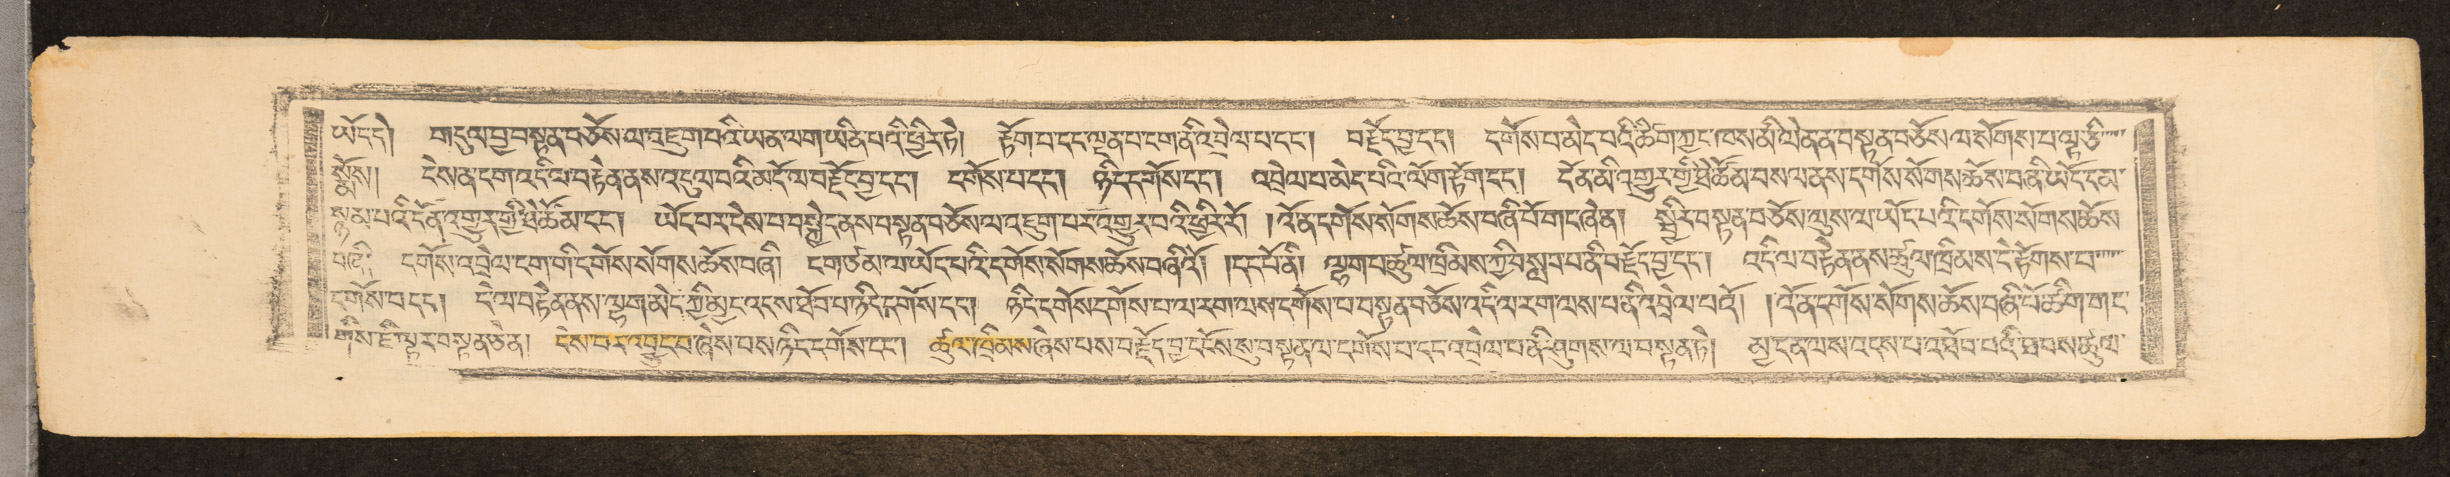ཡོད་དེ། གདུལ་བྱ་བསྟན་བཅོས་ལ་འཇུག་པའི་ཡན་ལག་ཡིན་པའི་ཕྱིར་ཏེ། རྟོག་པ་དང་ལྡན་པ་དག་ནི་འབྲེལ་བ་དང་། བརྗོད་བྱ་དང་། དགོས་པ་མེད་པའི་ཚིག་ཀྱང་ཁས་མི་ལེན་ན་བསྟན་བཅོས་ལ་སོགས་པ་ལྟ་ཅི་
སྨོས། དེས་ན་ངག་འདི་ལ་བརྟེན་ནས་འདུལ་བའི་མདོ་ལ་བརྗོད་བྱ་དང་། དགོས་པ་དང་། ཉིད་དགོས་དང་། འབྲེལ་པ་མེད་པའི་ལོག་རྟོག་དང་། དོན་མི་འགྱུར་གྱི་ཐེ་ཚོམ་བསལ་ནས་དགོས་སོགས་ཆོས་བཞི་ཡོད་དམ་
སྙམ་པའི་དོན་འགྱུར་གྱི་ཐེ་ཚོམ་དང་། ཡོད་པར་ངེས་པ་བསྐྱེད་ནས་བསྟན་བཅོས་ལ་འཇུག་པར་འགྱུར་བའི་ཕྱིར་རོ། །འོ་ན་དགོས་སོགས་ཆོས་བཞི་པོ་གང་ཞེ་ན། སྤྱིར་བསྟན་བཅོས་ལུས་ལ་ཡོད་པའི་དགོས་སོགས་ཆོས་
བཞི༑ དགོས་འབྲེལ་དག་གི་དགོས་སོགས་ཆོས་བཞི། དག་ཙམ་ལ་ཡོད་པའི་དགོས་སོགས་ཆོས་བཞིའོ། །དང་པོ་ནི། ལྷག་པ་ཚུལ་ཁྲིམས་ཀྱི་བསླབ་པ་ནི་བརྗོད་བྱ་དང་། འདི་ལ་བརྟེན་ནས་ཚུལ་ཁྲིམས་དེ་རྟོགས་པ་
དགོས་པ་དང་། དེ་ལ་བརྟེན་ནས་ལྷག་མེད་ཀྱི་མྱང་འདས་ཐོབ་པ་ཉིད་དགོས་དང་། ཉིད་དགོས་དགོས་པ་ལ་རག་ལས་དགོས་པ་བསྟན་བཅོས་འདི་ལ་རག་ལས་པ་ནི་འབྲེལ་པའོ། །འོ་ན་དགོས་སོགས་ཆོས་བཞི་པོ་ཚིག་གང་
གིས་ཇི་ལྟར་བསྟན་ཅེ་ན། ངེས་པར་འབྱུང་བ་ཞེས་པས་ཉིད་དགོས་དང་། ཚུལ་ཁྲིམས་ཞེས་པས་བརྗོད་བྱ་དངོས་སུ་བསྟན་ལ་དགོས་པ་དང་འབྲེལ་པ་ནི་ཤུགས་ལ་བསྟན་ཏེ། མྱ་ངན་ལས་འདས་པ་འཐོབ་པའི་ཐབས་ཚུལ་